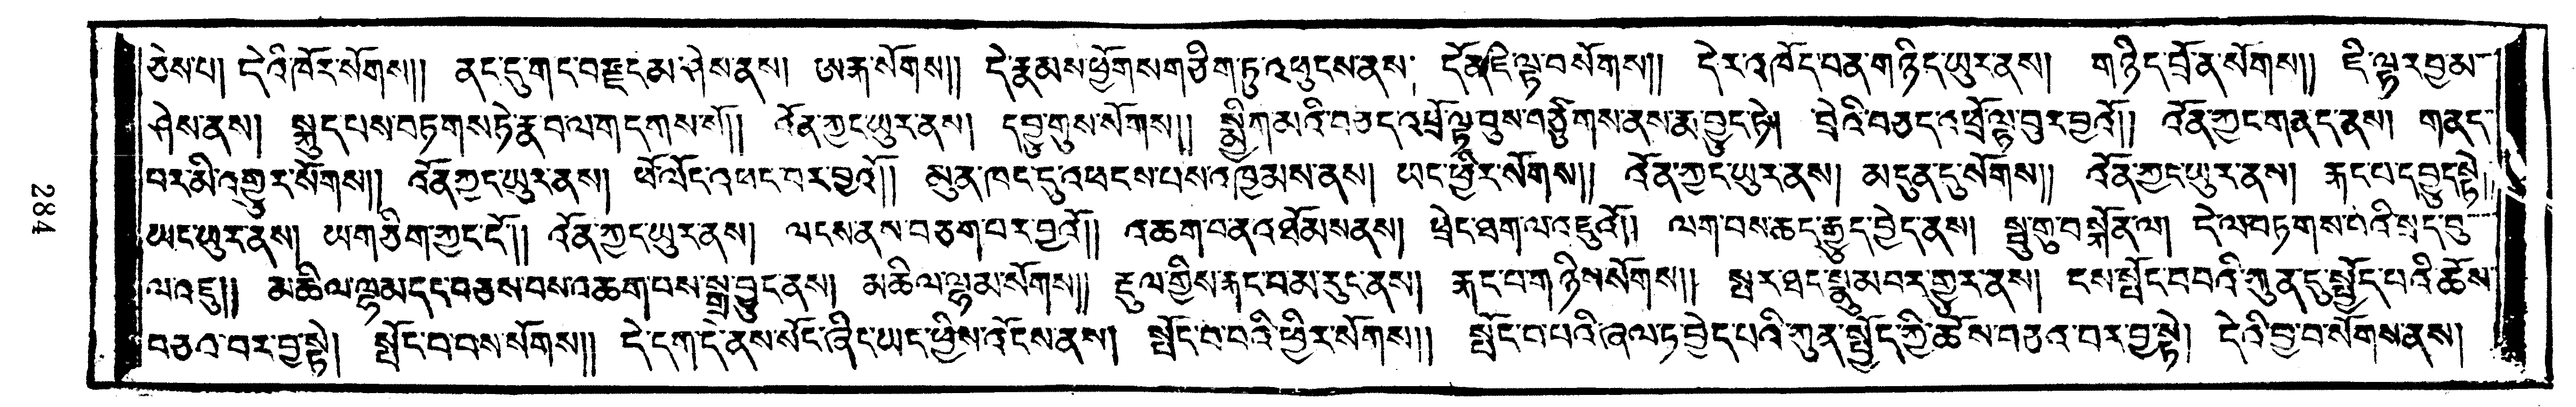ཅེས་པ། དེའི་ཁོར་སོགས།། ནང་དུ་གང་བརྫང་མ་ཤེས་ནས། ཨརྐ་སོགས།། དེ་རྣམས་ཕྱོགས་གཅིག་ཏུ་འཕུངས་ནས། དོན་ཇི་ལྟ་བ་སོགས།། དེར་འཁོད་པན་གཉིད་ཡུར་ནས། གཉིད་བྲོ་ན་སོགས། །ཇི་ལྟར་བྱ་མ་
ཤེས་ནས། སྐུད་པས་བཏགས་ཏེ་རྣ་བ་ལ་གདགས་སོ།། འོན་ཀྱང་ཡུར་ནས། དབྱུ་གུས་སོགས།། སྨྱིག་མའི་བཅད་འཕྲོ་ལྟ་བུས་བཙུགས་ནས་རྨ་བྱུང་ཏེ། བྲེའི་བཅད་འཕྲོ་ལྟ་བུར་བྱའོ།། འོན་ཀྱང་གནད་ནས། གནད་
པར་མི་འགྱུར་སོགས།། འོན་ཀྱང་ཡུར་ནས། ཕོ་ལོང་འཕང་བར་བྱའོ།། མུན་ཁང་དུ་འཕངས་པས་འཁྱམས་ནས། ཡང་ཕྱིར་སོགས། །འོན་ཀྱང་ཡུར་ནས། མདུན་དུ་སོགས།། འོན་ཀྱང་ཡུར་ནས། རྐང་པ་དབྱུང་སྟེ།།
ཡང་ཡུར་ནས། ཡ་གཅིག་ཀྱང་ངོ།། འོན་ཀྱང་ཡུར་ནས། ལངས་ནས་བཅག་པར་བྱའོ།། འཆག་པ་ན་འཐོམས་ནས། ཕྲེང་ཐག་ལ་འཇུའོ།། ལག་པས་ཆད་རྒྱུད་བྱེད་ནས། སྤུ་གུ་བསྐོན་ལ། དེ་ལ་བཏགས་པའི་སྲད་བུ་
ལ་འཇུ།། མཆིལ་ལྷམ་དང་བཅས་པས་འཆག་པས་སྒྲ་བྱུང་ནས། མཆིལ་ལྷམ་སོགས།། རྡུལ་གྱིས་རྐང་པ་མ་རུང་ནས། རྐང་པ་གཉིས་སོགས།། སྤར་ཐང་སྣུམ་པར་གྱུར་ནས། ངས་སྤོང་བ་བའི་ཀུན་དུ་སྤྱོད་པའི་ཆོས་
བཅའ་བར་བྱ་སྟེ། སྤོང་བ་བས་སོགས།། དེ་དག་དེ་ནས་སོང་ཞིང་ཡང་ཕྱིས་འོངས་ནས། སྤོང་བ་པའི་ཕྱིར་སོགས།། སྤོང་བ་པའི་ཞལ་ཏ་བྱེད་པའི་ཀུན་སྤྱོད་ཀྱི་ཆོས་བཅའ་བར་བྱ་སྟེ། དེའི་བྱ་བ་སོགས་ནས།